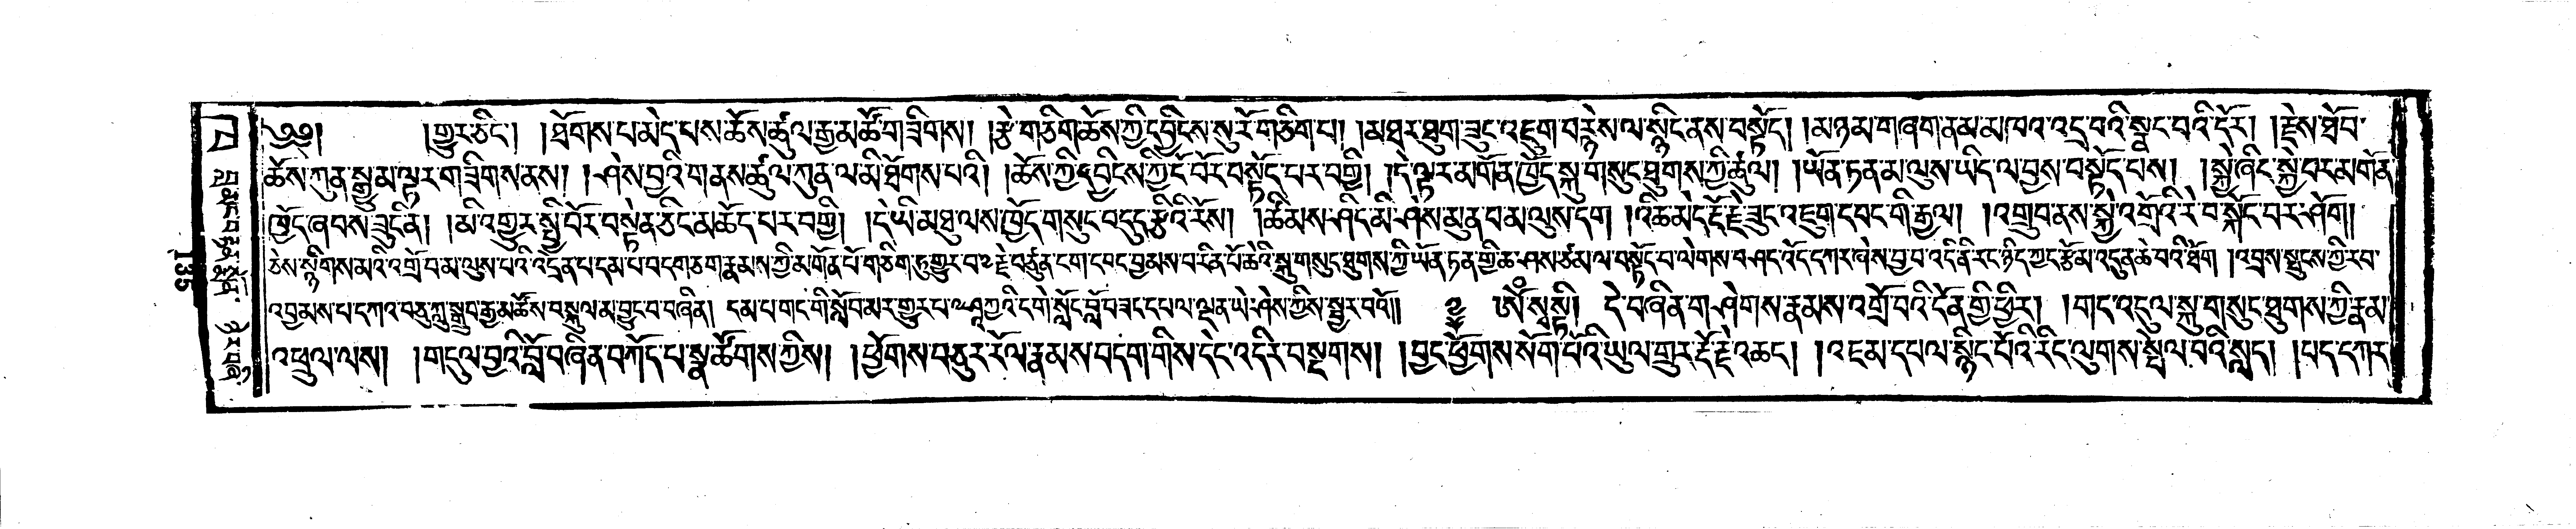༄༅། །གྱུར་ཅིང་། །ཐོགས་པ་མེད་པས་ཆོས་ཚུལ་རྒྱ་མཚོ་གཟིགས། །རྩེ་གཅིག་ཆོས་ཀྱི་དབྱིངས་སུ་རོ་གཅིག་པ། །མཐར་ཐུག་ཟུང་འཇུག་བརྙེས་ལ་སྙིང་ནས་བསྟོད། །མཉམ་གཞག་ནམ་མཁའ་འདྲ་བའི་སྣང་བའི་དོར། །རྗེས་ཐོབ་
ཆོས་ཀུན་སྒྱུ་མ་ལྟར་གཟིགས་ནས། །ཤེས་བྱའི་གནས་ཚུལ་ཀུན་ལ་མི་ཐོགས་པའི། །ཆོས་ཀྱི་དབྱིངས་ཀྱི་ངོ་བོར་བསྟོད་པར་བགྱི། །དེ་ལྟར་མགོན་ཁྱོད་སྐུ་གསུང་ཐུགས་ཀྱི་ཚུལ། །ཡོན་ཏན་མ་ལུས་ཡིད་ལ་བྱས་བསྟོད་པས། །སྐྱེ་ཞིང་སྐྱེ་བར་མགོན་
ཁྱོད་ཞབས་ཟུང་ནི། །མི་འགྱུར་སྤྱི་བོར་བསྟེན་ཅིང་མཆོད་པར་བགྱི། །དེ་ཡི་མཐུ་ལས་ཁྱོད་གསུང་བདུད་རྩིའི་རོས། །ཚིམས་ཤིང་མི་ཤེས་མུན་པ་མ་ལུས་དག །འཆི་མེད་རྡོ་རྗེ་ཟུང་འཇུག་དབང་གི་རྒྱལ། །འགྲུབ་ནས་སྐྱེ་འགྲོའི་རེ་བ་སྐོང་བར་ཤོག།
ཅེས་སྙིགས་མའི་འགྲོ་བ་མ་ལུས་པའི་འདྲེན་པ་དམ་པ་བདག་ཅག་རྣམས་ཀྱི་མགོན་པོ་གཅིག་ཏུ་གྱུར་བ་༧་རྗེ་བཙུན་ངག་དབང་བྱམས་པ་རིན་པོ་ཆེའི་སྐུ་གསུང་ཐུགས་ཀྱི་ཡོན་ཏན་གྱི་ཆ་ཤས་ཙམ་ལ་བསྟོད་པ་ལེགས་བཤད་འོད་དཀར་ཞེས་བྱ་བ་འདི་ནི་རང་ཉིད་ཀྱང་རྩོམ་འདུན་ཆེ་བའི་ཐོག །འབྲས་སྤུངས་ཀྱི་རབ་
འབྱམས་པ་དཀའ་བཅུ་ཀླུ་སྒྲུབ་རྒྱ་མཚོས་བསྐུལ་མ་བྱུང་བ་བཞིན། ངམ་པ་གང་གི་སློབ་མར་གྱུར་པ་༧་ཤཱཀྱའི་དགེ་སློང་བློ་བཟང་དཔལ་ལྡན་ཡེ་ཤེས་ཀྱིས་སྦྱར་བའོ།། ༈ ཨོཾ་སྭ་སྟི། དེ་བཞིན་གཤེགས་རྣམས་འགྲོ་བའི་དོན་གྱི་ཕྱིར། །གང་འདུལ་སྐུ་གསུང་ཐུགས་ཀྱི་རྣམ་
འཕྲུལ་ལས། །གདུལ་བྱའི་བློ་བཞིན་བཀོད་པ་སྣ་ཚོགས་ཀྱིས། །ཕྱོགས་བཅུར་རོལ་རྣམས་བདག་གིས་དེང་འདིར་བསྔགས། །བྱང་ཕྱོགས་སོག་པོའི་ཡུལ་གྲུར་རྡོ་རྗེ་འཆང་། །འཇམ་དཔལ་སྙིང་པོའི་རིང་ལུགས་སྤེལ་བའི་སླད། །པད་དཀར་